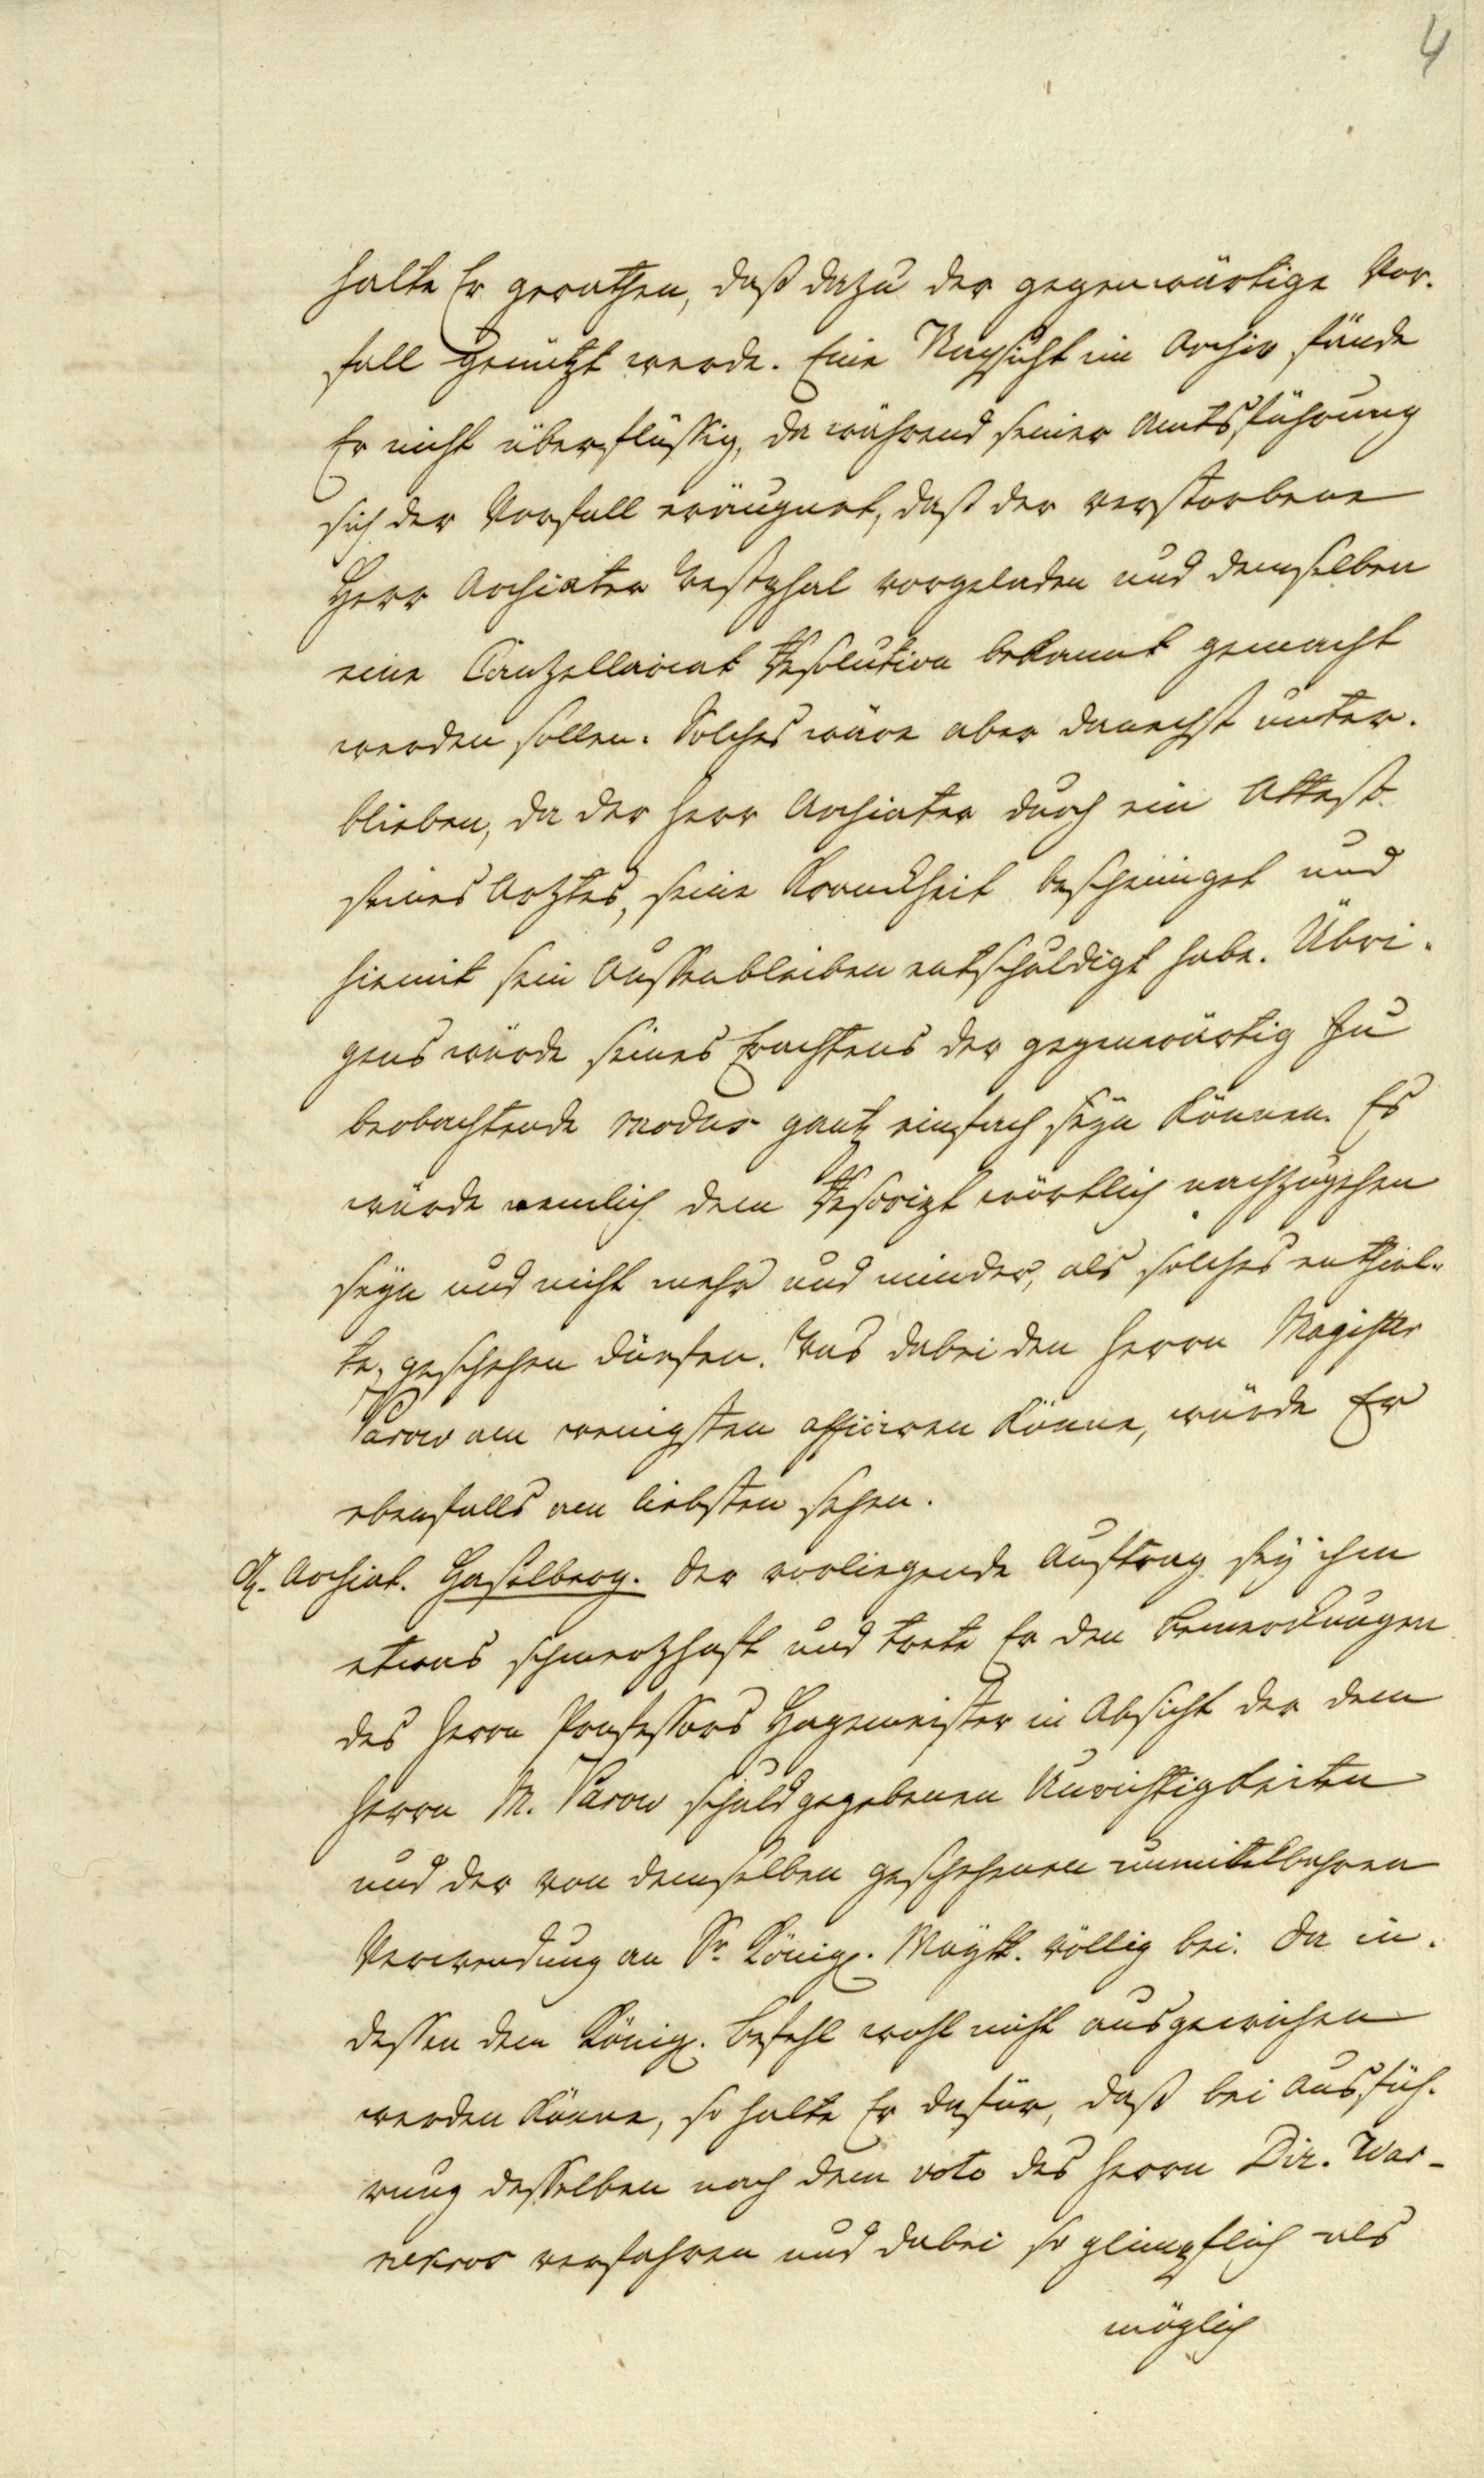halte Er gerathen, daß dazu der gegenwärtige Vor¬
fall genützt werde. Eine Nachsicht im Archiv fände
Er nicht überflüssig, da während seiner Amtsführung
sich der Vorfall eräugnet, daß der verstorbene
Herr Archiater Westphal vorgeladen und demselben
eine Canzellariat Resolution bekannt gemacht
werden sollen. Solches wäre aber danechst unter¬
blieben, da der herr Archiater durch ein Attest
seines Arztes, seine Krankheit bescheiniget und
hiemit sein Aussenbleiben entschuldigt habe. Übri¬
gens würde seines Erachtens der gegenwärtig zu
beobachtende Modus gantz einfach seÿn können. Es
würde nemlich dem Rescript wörtlich nachzugehen
seÿn und nicht mehr und minder, als solches enthiel¬
te, geschehen dürfen. Was dabei den herrn Magister
Parow am wenigsten afficiren könne, würde Er
ebenfalls am liebsten sehen.
dh. Archiat. Haselberg. der vorliegende Auftrag seÿ ihm
etwas schmerzhaft und trete Er den Bemerckungen
des herrn Professors Hagemeister in Absicht der dem
herrn M. Parow schuldgegebenen Unrichtigkeiten
und der von demselben geschehenen unmittelbahren
Verwendung an Sr. Königl. Maÿtt. völlig bei. Da in¬
dessen dem Königl. Befehl wohl nicht ausgewichen
werden könne, so halte Er dafür, daß bei Ausfüh¬
rung desselben nach dem voto des herrn Dir. War¬
nekros verfahren und dabei so glimpflich als
möglich